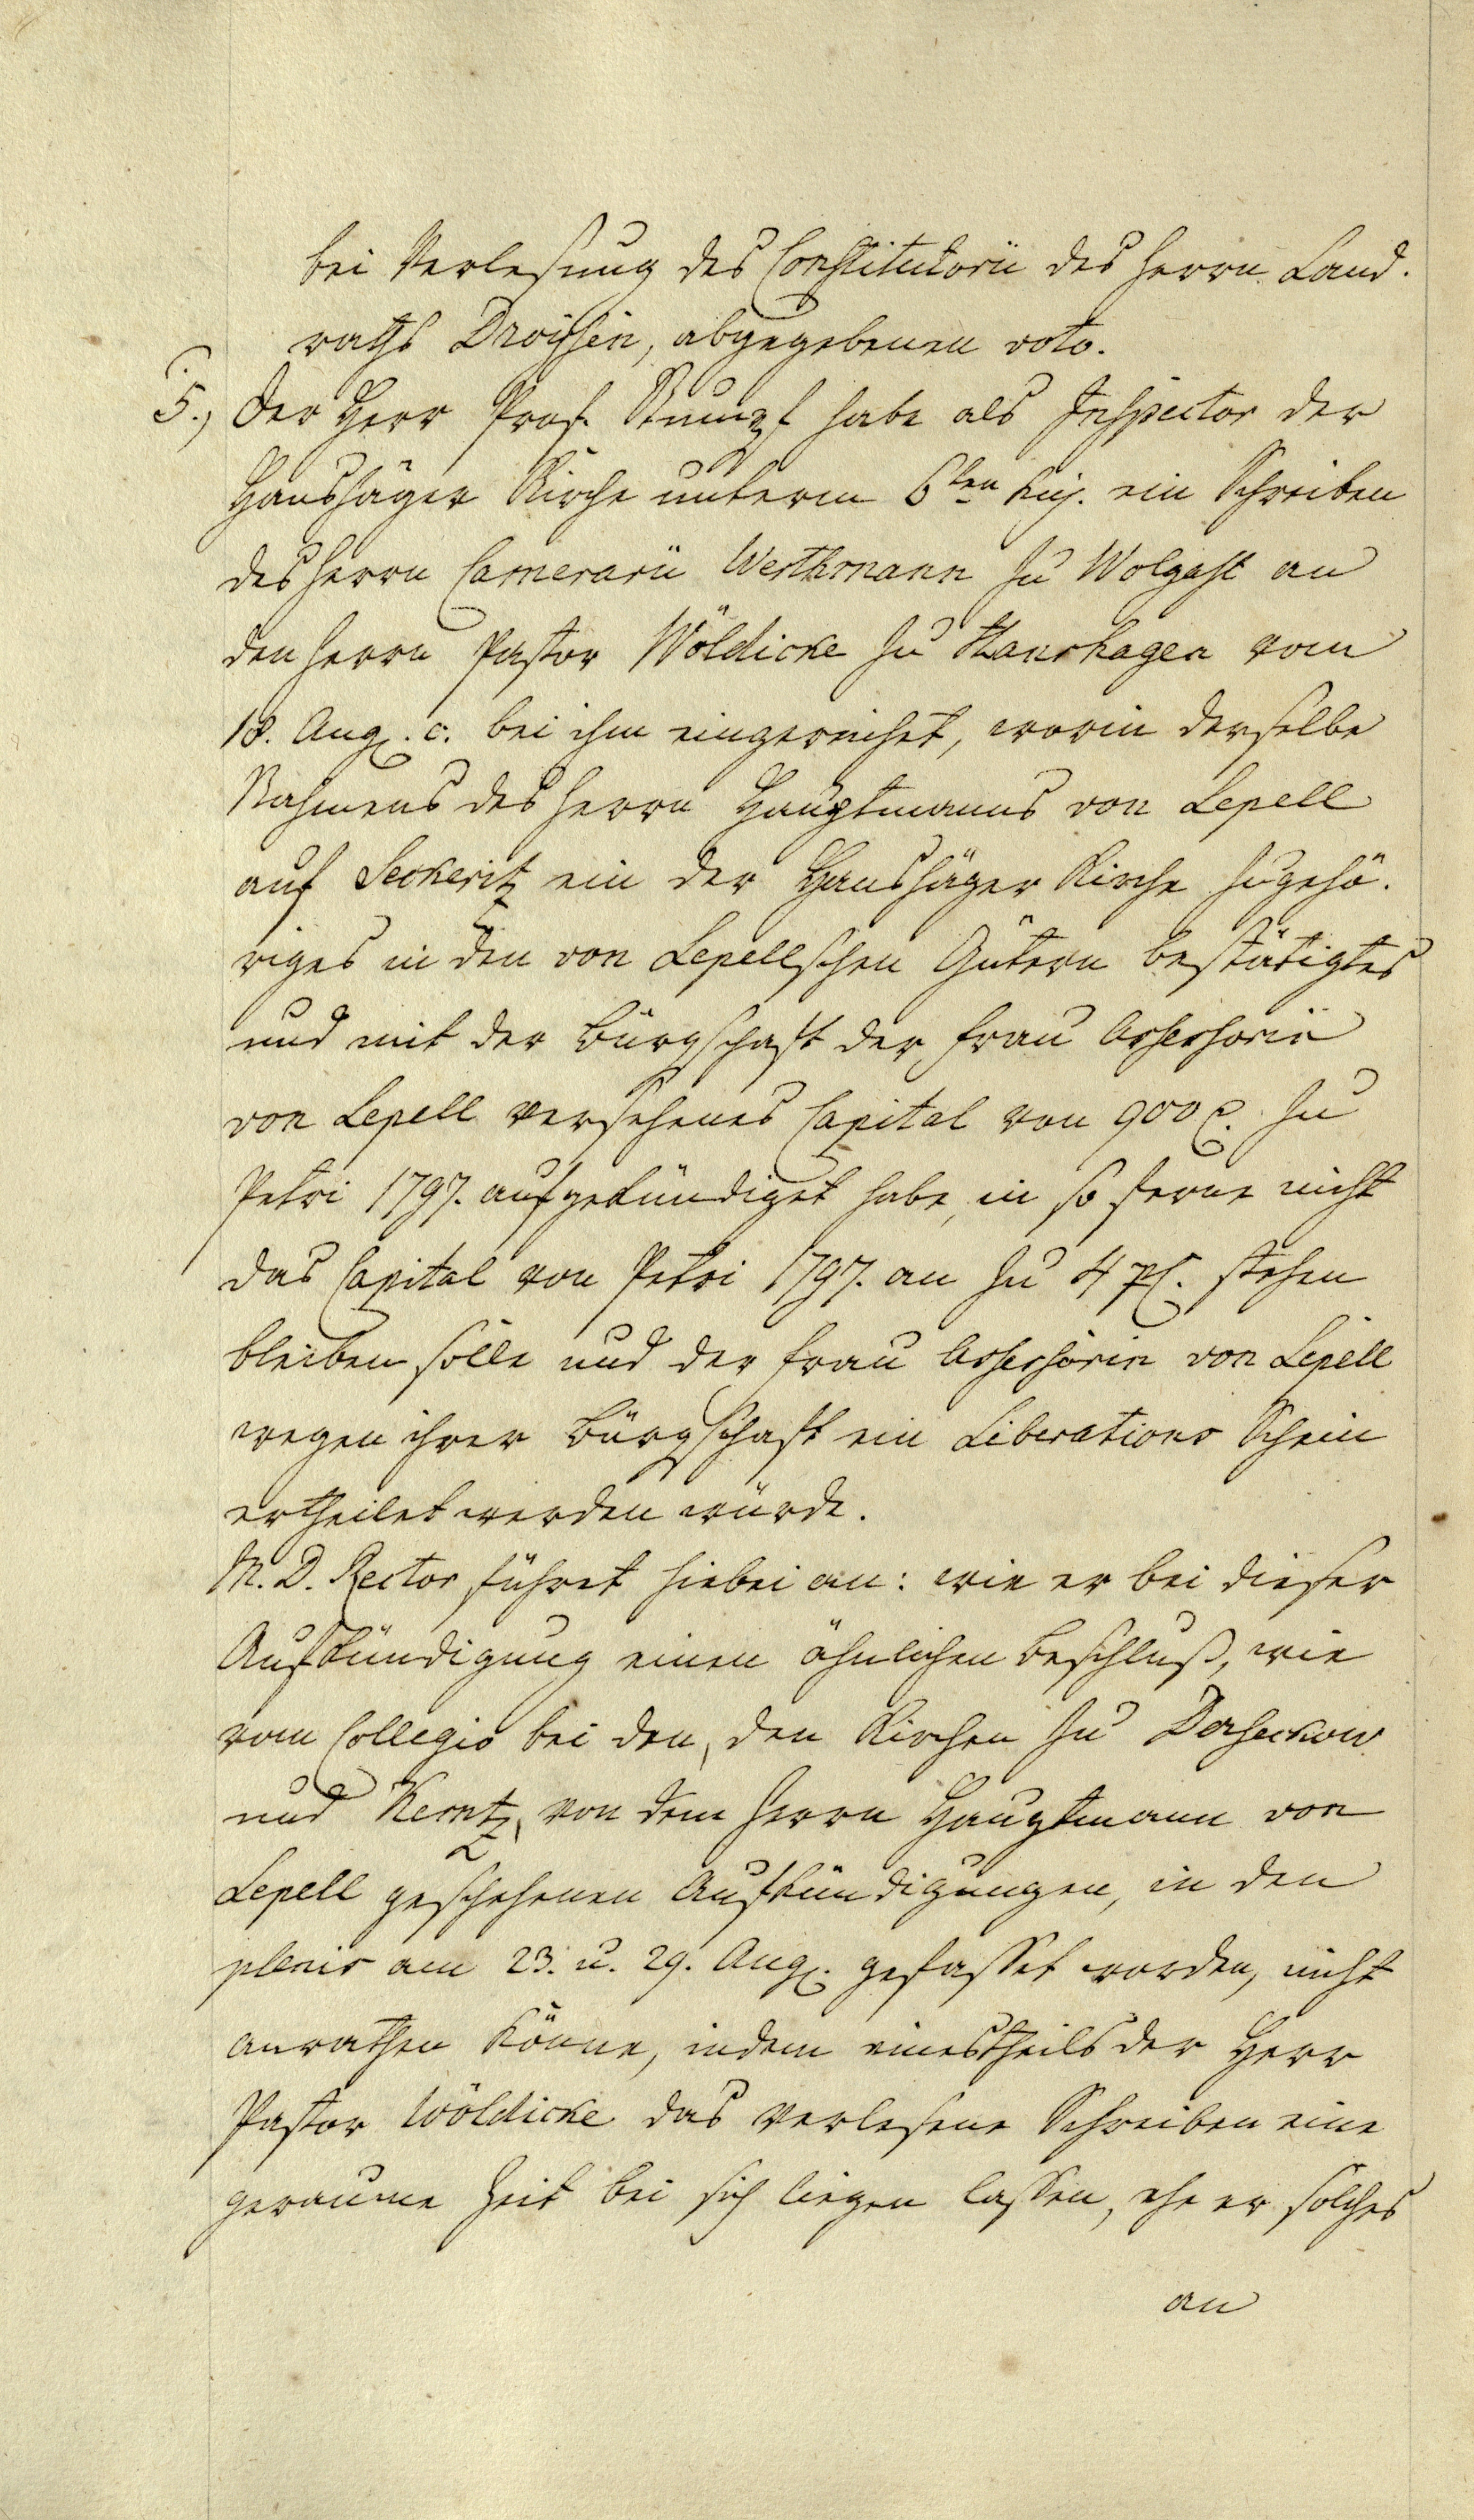bei Verlesung des Constitutorii des Herrn Land¬
raths Droÿsen, abgegebenen voto.
5., Der Herr Prof. Stumpf habe als Inspector der
Hanshäger Kirche unterm 6 ten huj. ein Schreiben
des Herrn Camerarii Werthmann zu Wolgast an
den Herrn Pastor Wöldicke zu Hanshagen vom
18. Aug. c. bei ihm eingereichet, worin derselbe
Nahmens des Herrn Hauptmanns von Lepell
auf Seckeritz ein der Hanshäger Kirche zugehö¬
riges in den von Lepellschen Gütern bestätigtes
und mit der Bürgschaft der Frau Assessorin
von Lepell versehenes Capital von 900 l. zu
Petri 1797. aufgekündiget habe, in so ferne nicht
das Capital von Petri 1797. an zu 4 pl. stehen
bleiben solle und der Frau Assessorin von Lepell
wegen ihrer Bürgschaft ein Liberations Schein
ertheilet werden würde.
M. D. Rector führet hiebei an: wie er bei dieser
Aufkündigung einen ähnlichen Beschluß, wie
vom Collegio bei den, den Kirchen zu Derseckow
und Kemtz, von dem Herrn Hauptmann von
Lepell geschehenen Aufkündigungen, in den
plenis am 23. u. 29. Aug. gefasset worden, nicht
anrathen könne, indem einestheils der Herr
Pastor Wöldicke das verlesene Schreiben eine
geraume Zeit bei sich liegen lassen, ehe er solches
an